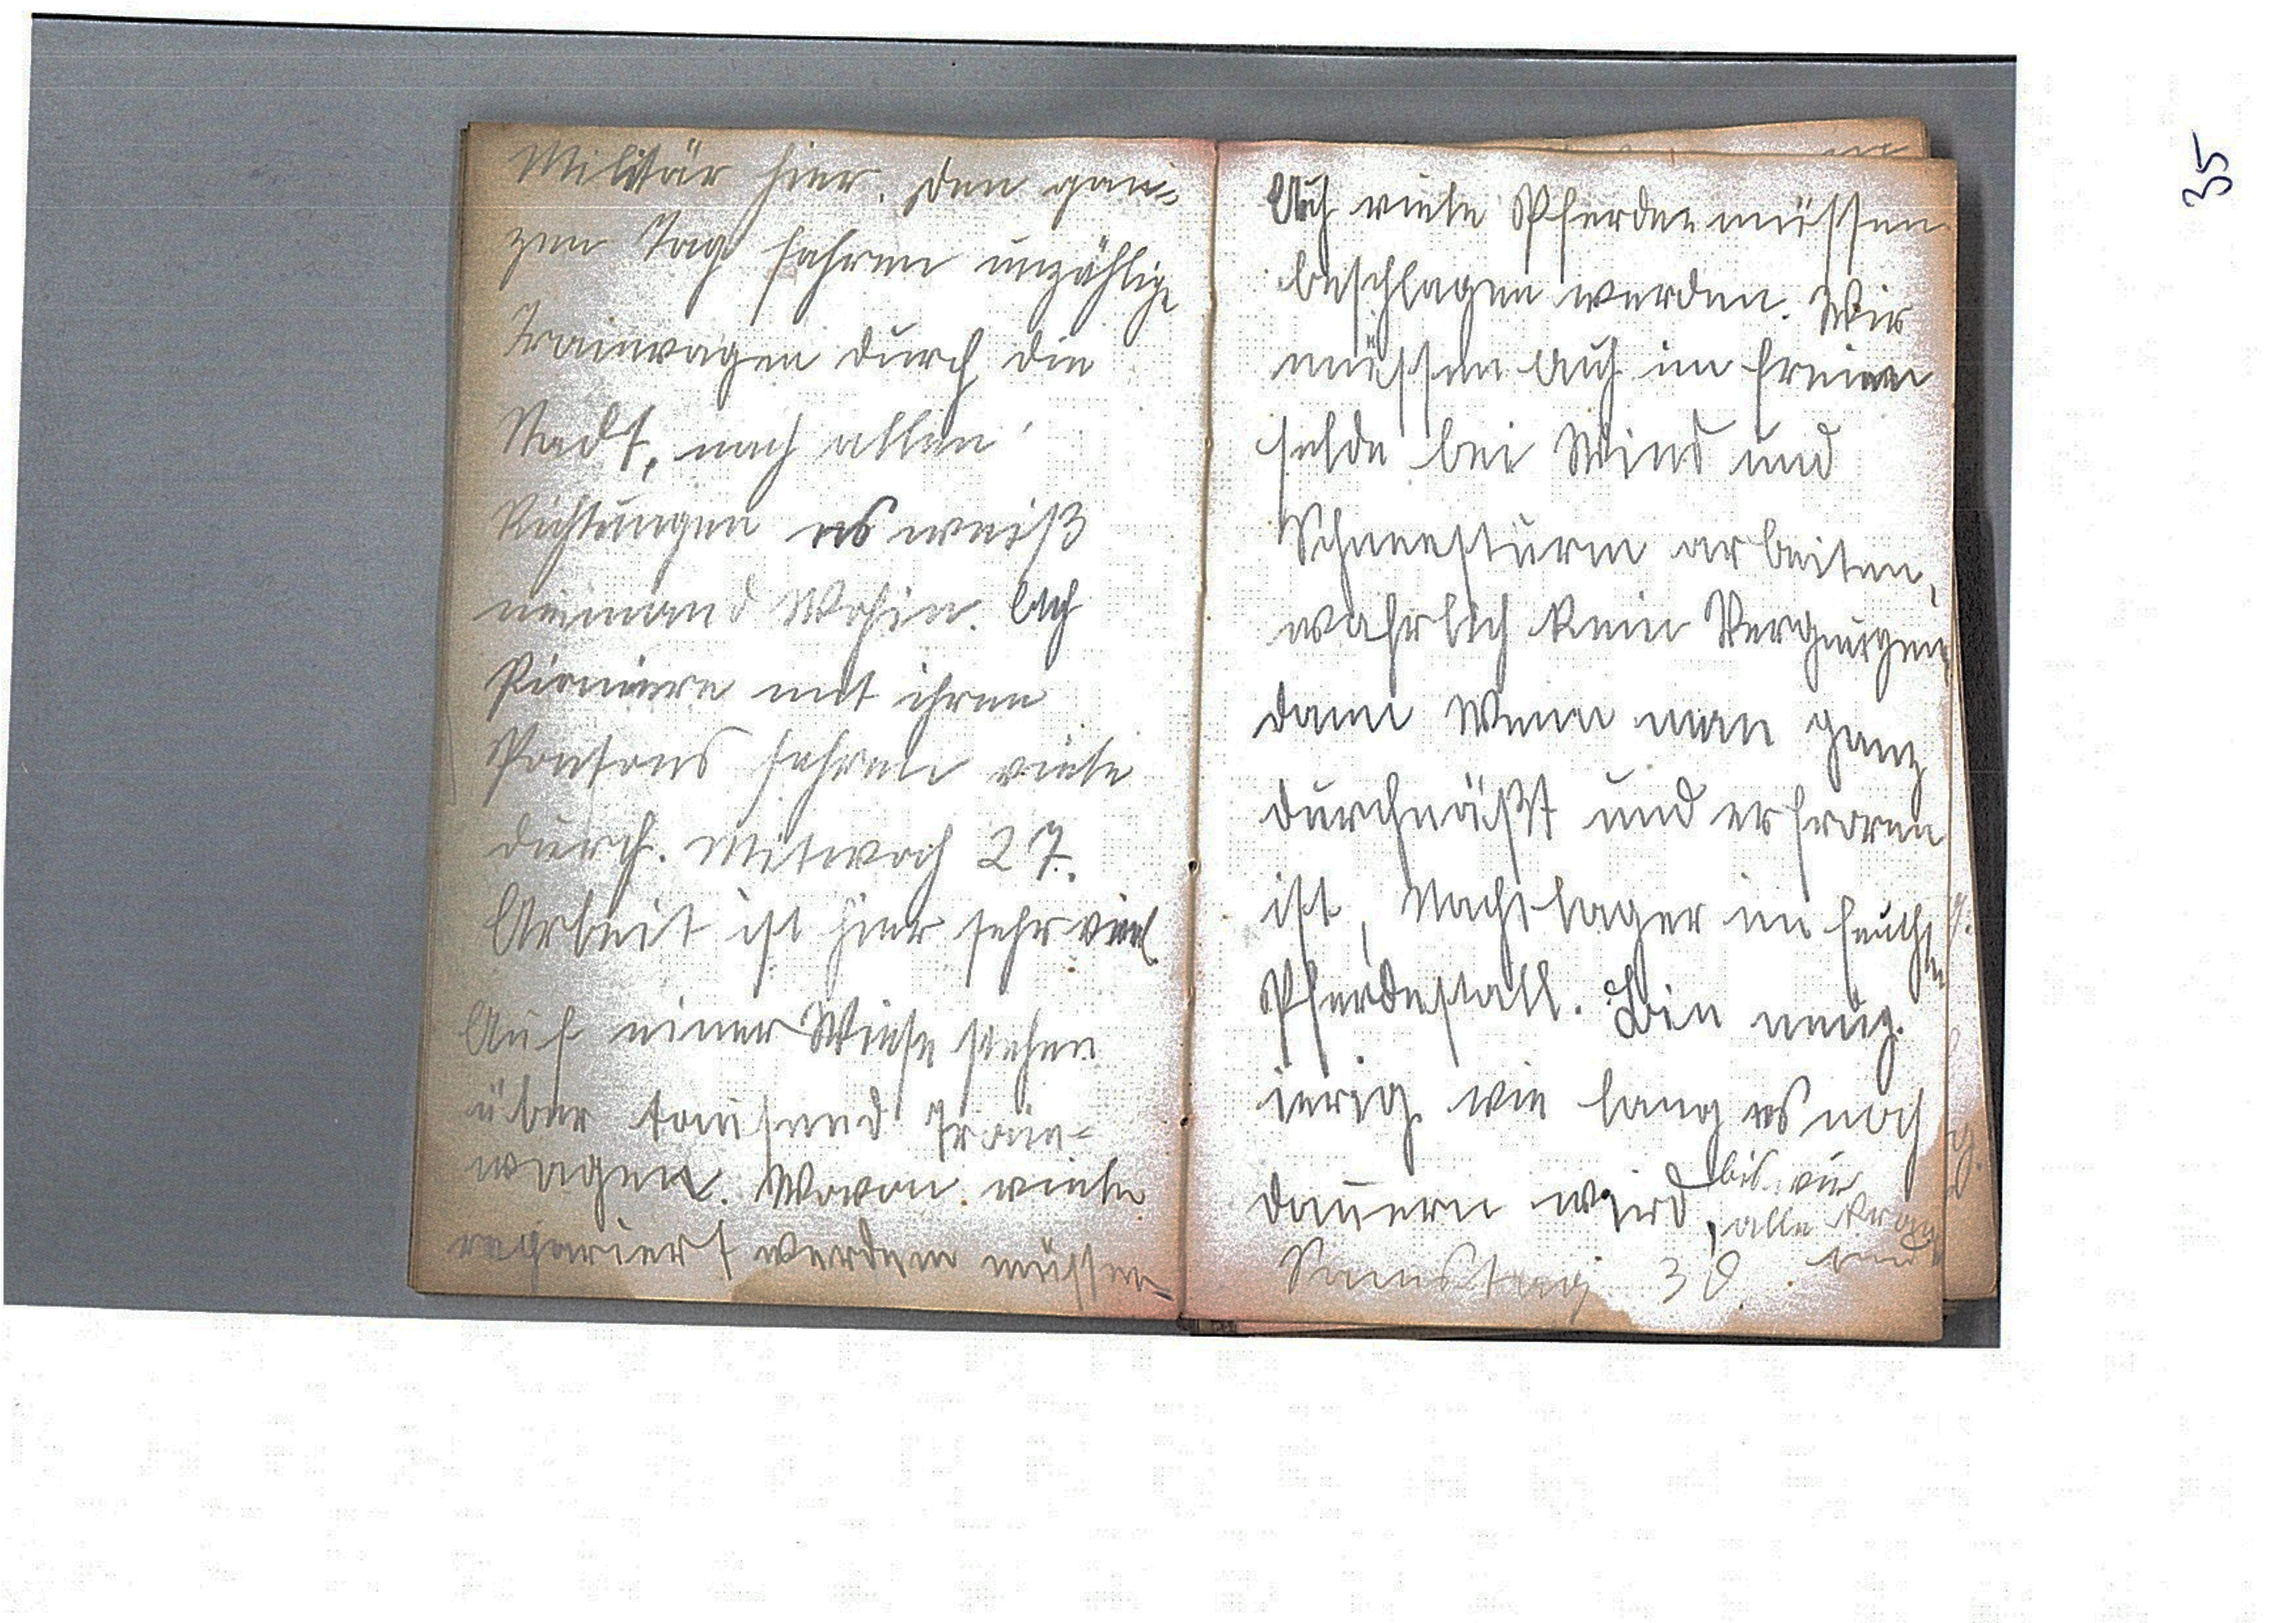Militär hier. Den gan0
zen Tag fahren unzählige
Trainwagen durch die
Stadt, aus allen
Richtungen es weiß
niemand Wohin. Auch
Pioinere mit ihren
Pontons fuhren viele
durch. Mittwoch 27.
Arbeit ist hier sehr viel
Auf einer Wiese stehen
über tausend Train-
wagen. Wovon viele
wagoniert werden müssen
Auch viele Pferden müssen
beschlagen werden. Wir
müssen auch im freien
Felde bei Wind und
Schneesturm arbeiten,
wahrlich kein Vergnügen,
dann wen man ganz
durchnäßt und erfroren
ist, Nachtlager im feuchten
Pferdestall. Bin neug
ierig wie lange es noch
dauern wird bis wir alle krank sind.
Samstag 30.